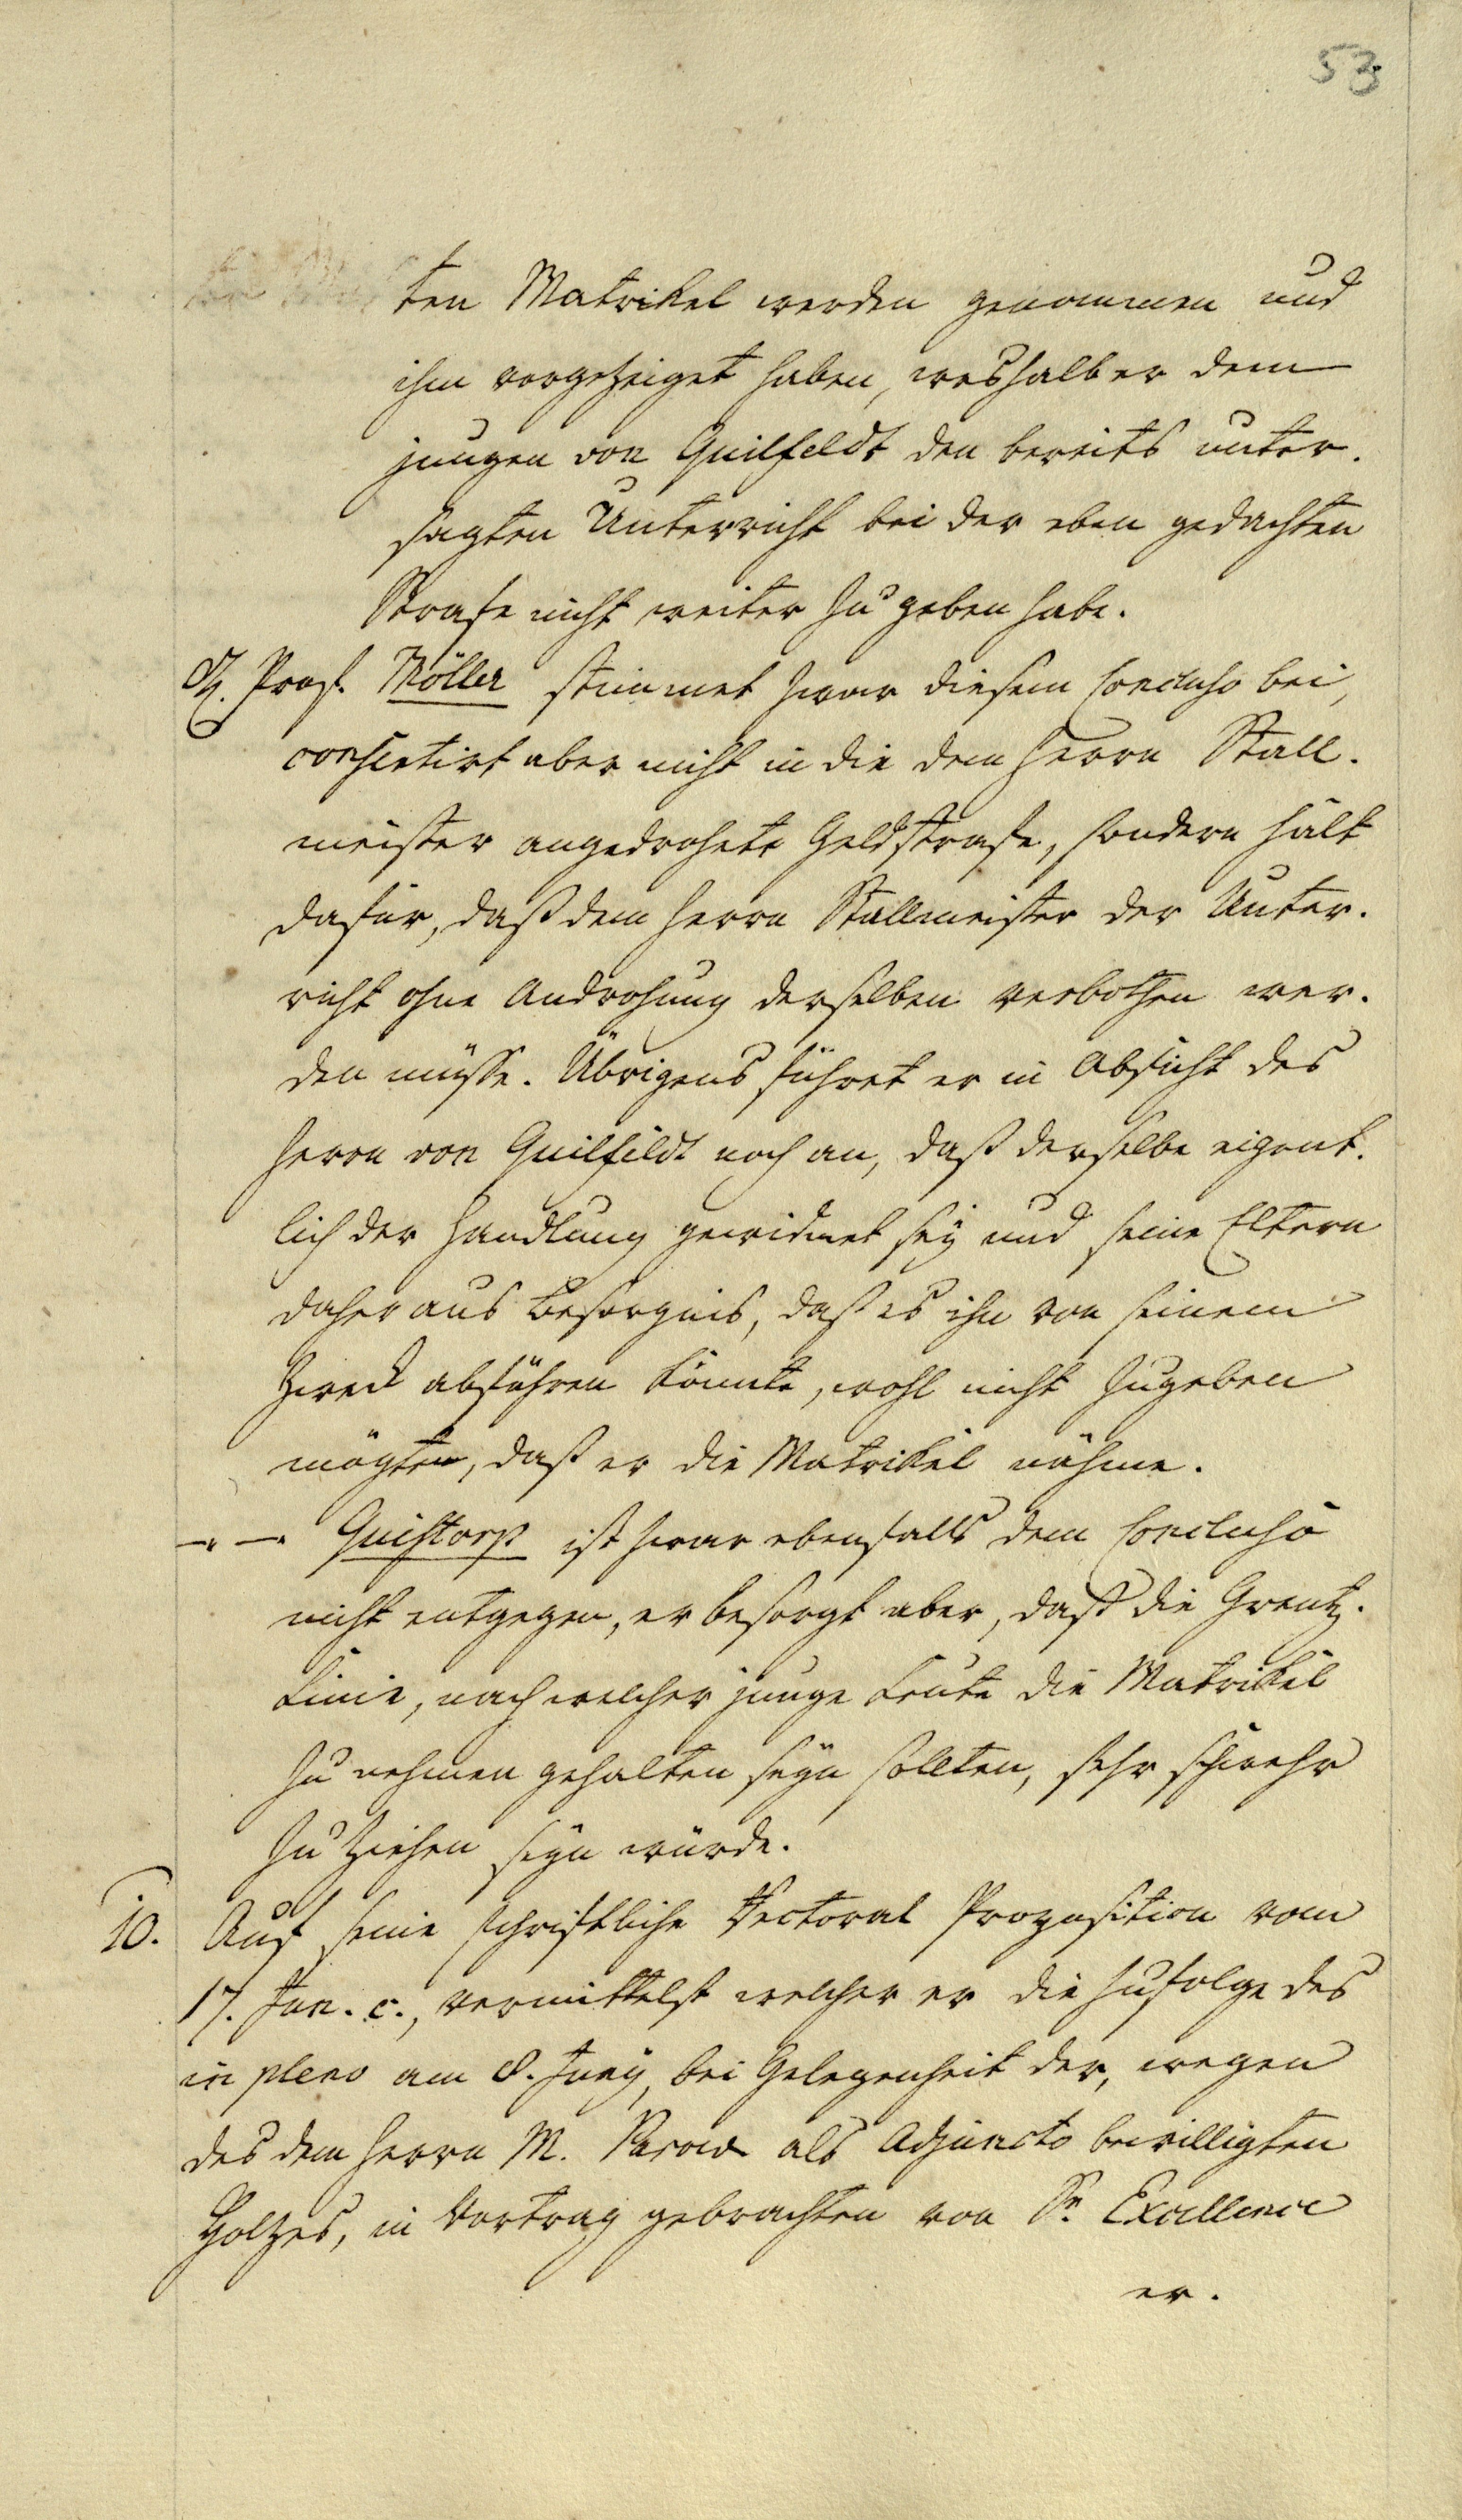ten Matrikel werden genommen und
ihm vorgezeiget haben, weshalb er dem
jungen von Quilfeldt den bereits unter¬
sagten Unterricht bei der eben gedachten
Strafe nicht weiter zu geben habe.
dh. Prof. Möller stimmet zwar diesem Concluso bei,
consentirt aber nicht in die dem Herrn Stall¬
meister angedrohete Geldstrafe, sondern hält
dafür, daß dem Herrn Stallmeister der Unter¬
richt ohne Androhung derselben verbothen wer¬
den müsse. Übrigens führet er in Absicht des
Herrn von Quilfeldt noch an, daß derselbe eigent¬
lich der Handlung gewidmet seÿ und seine Eltern
daher aus Besorgnis, daß es ihn von seinem
Zweck abführen könnte, wohl nicht zugeben
mögten, daß er die Matrikel nähme.
Quistorp ist zwar ebenfalls dem Concluso
nicht entgegen, er besorgt aber, daß die Grentz¬
Linie, nach welcher junge Leute die Matrikel
zu nehmen gehalten seÿn sollten, sehr schwehr
zu ziehen seÿn würde.
10. Auf eine schriftliche Rectoral Proposition vom
17. Jun. c., vermittelst welcher er die zufolge des
in pleno am 8. Junÿ, bei Gelegenheit der, wegen
des dem Herrn M. Parow als Adjuncto bewilligten
Holzes, in Vortrag gebrachten von Sr Excellence
er¬